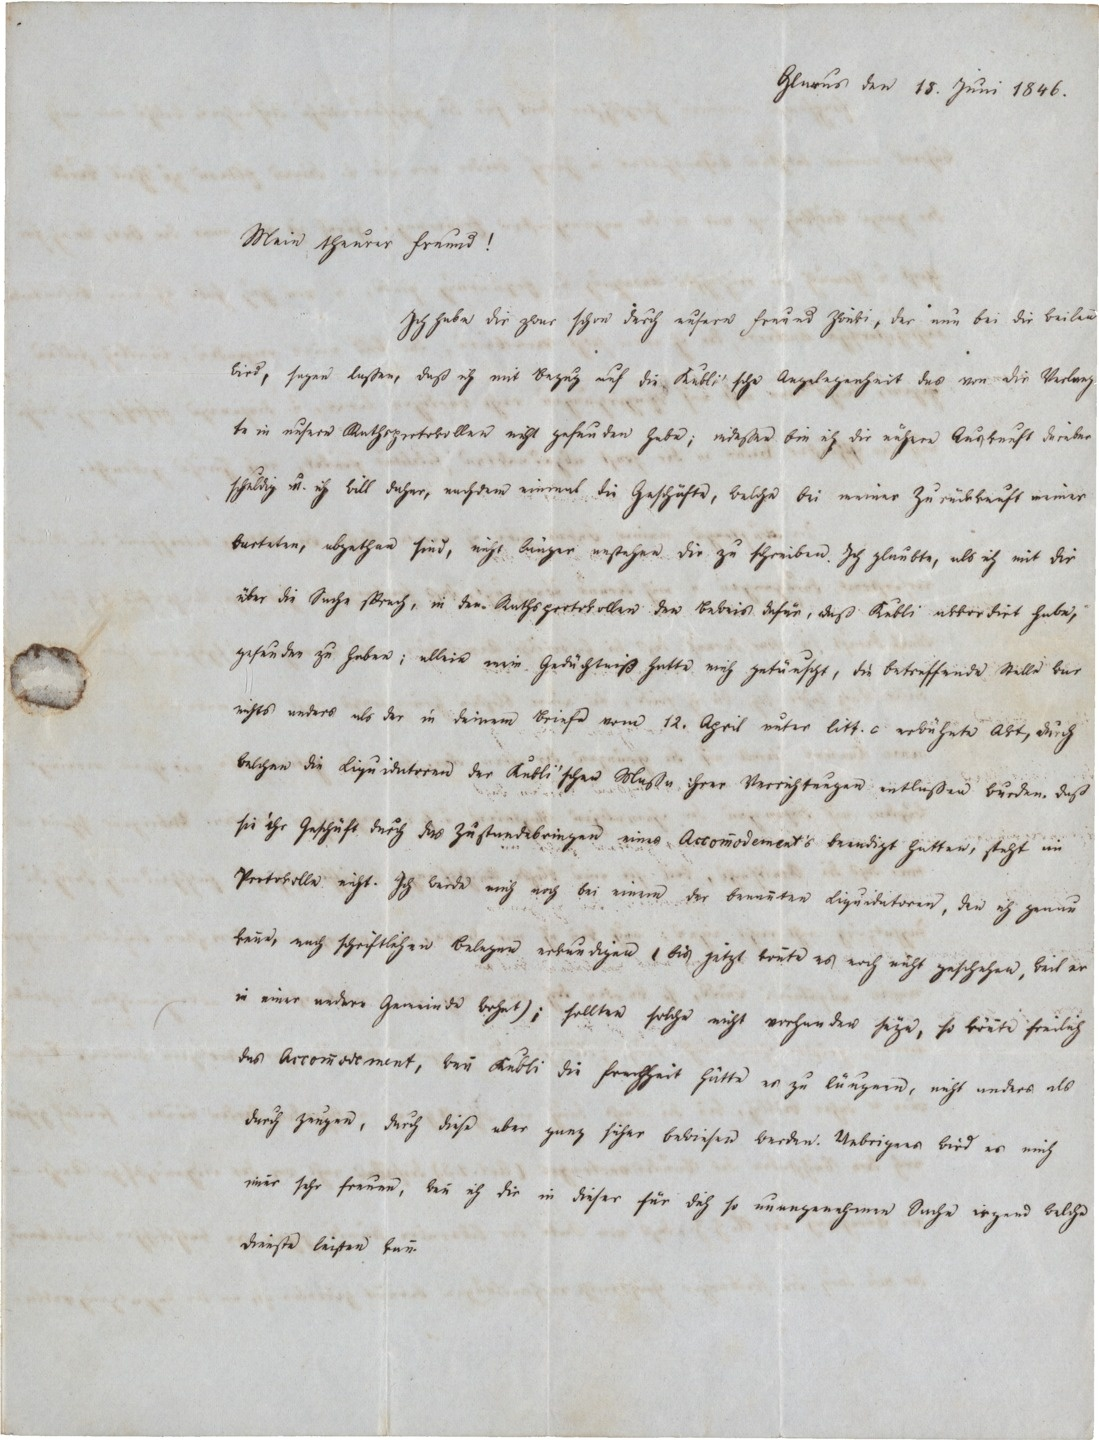Glarus den 15. Juni 1846.
Mein theurer Freund!
Ich habe dir zwar schon durch unsern FreundZwicki, der nun bei dir weilen
wird, sagen lassen, daß ich mit Bezug auf die Kubli'sche Angelegenheit das von dir Verlang-
te in unsern Rathsprotokollen nicht gefunden habe; indessen bin ich dir nähere Auskunft darüber
schuldig u. ich will daher, nachdem einmal die Geschäfte, welche bei meiner Zurückkunft meiner
warteten, abgethan sind, nicht länger anstehen dir zu schreiben. Ich glaubte, als ich mit dir
über die Sache sprach, in den Rathsprotokollen den Beweis dafür, daß Kubli akkordirt habe,
gefunden zu haben; allein mein Gedächtniß hatte mich getäuscht, die betreffende Stelle war
nichts anders als der in deinem Briefe vom 12. April unter litt. c erwähnte Akt, durch
welchen die Liquidatoren der Kubli'schen Masse ihrer Verrichtungen entlassen wurden. Daß
sie ihr Geschäft durch das Zustandebringen eines Accommodement's beendigt hatten, steht im
Protokolle nicht. Ich werde mich noch bei einem der benannten Liquidatoren, den ich genau
kenne, nach schriftlichen Belegen erkundigen (bis jetzt konnte es noch nicht geschehen, weil er
in einer andern Gemeinde wohnt); sollten solche nicht vorhanden seyn, so könnte freilich
das Accommodement, wenn Kubli die Frechheit hätte es zu läugnen, nicht anders als
durch Zeugen, durch diese aber ganz sicher bewiesen werden. Uebrigens wird es mich
immer sehr freuen, wenn ich dir in dieser für dich so unangenehmen Sache irgend welche
Dienste leisten kann.